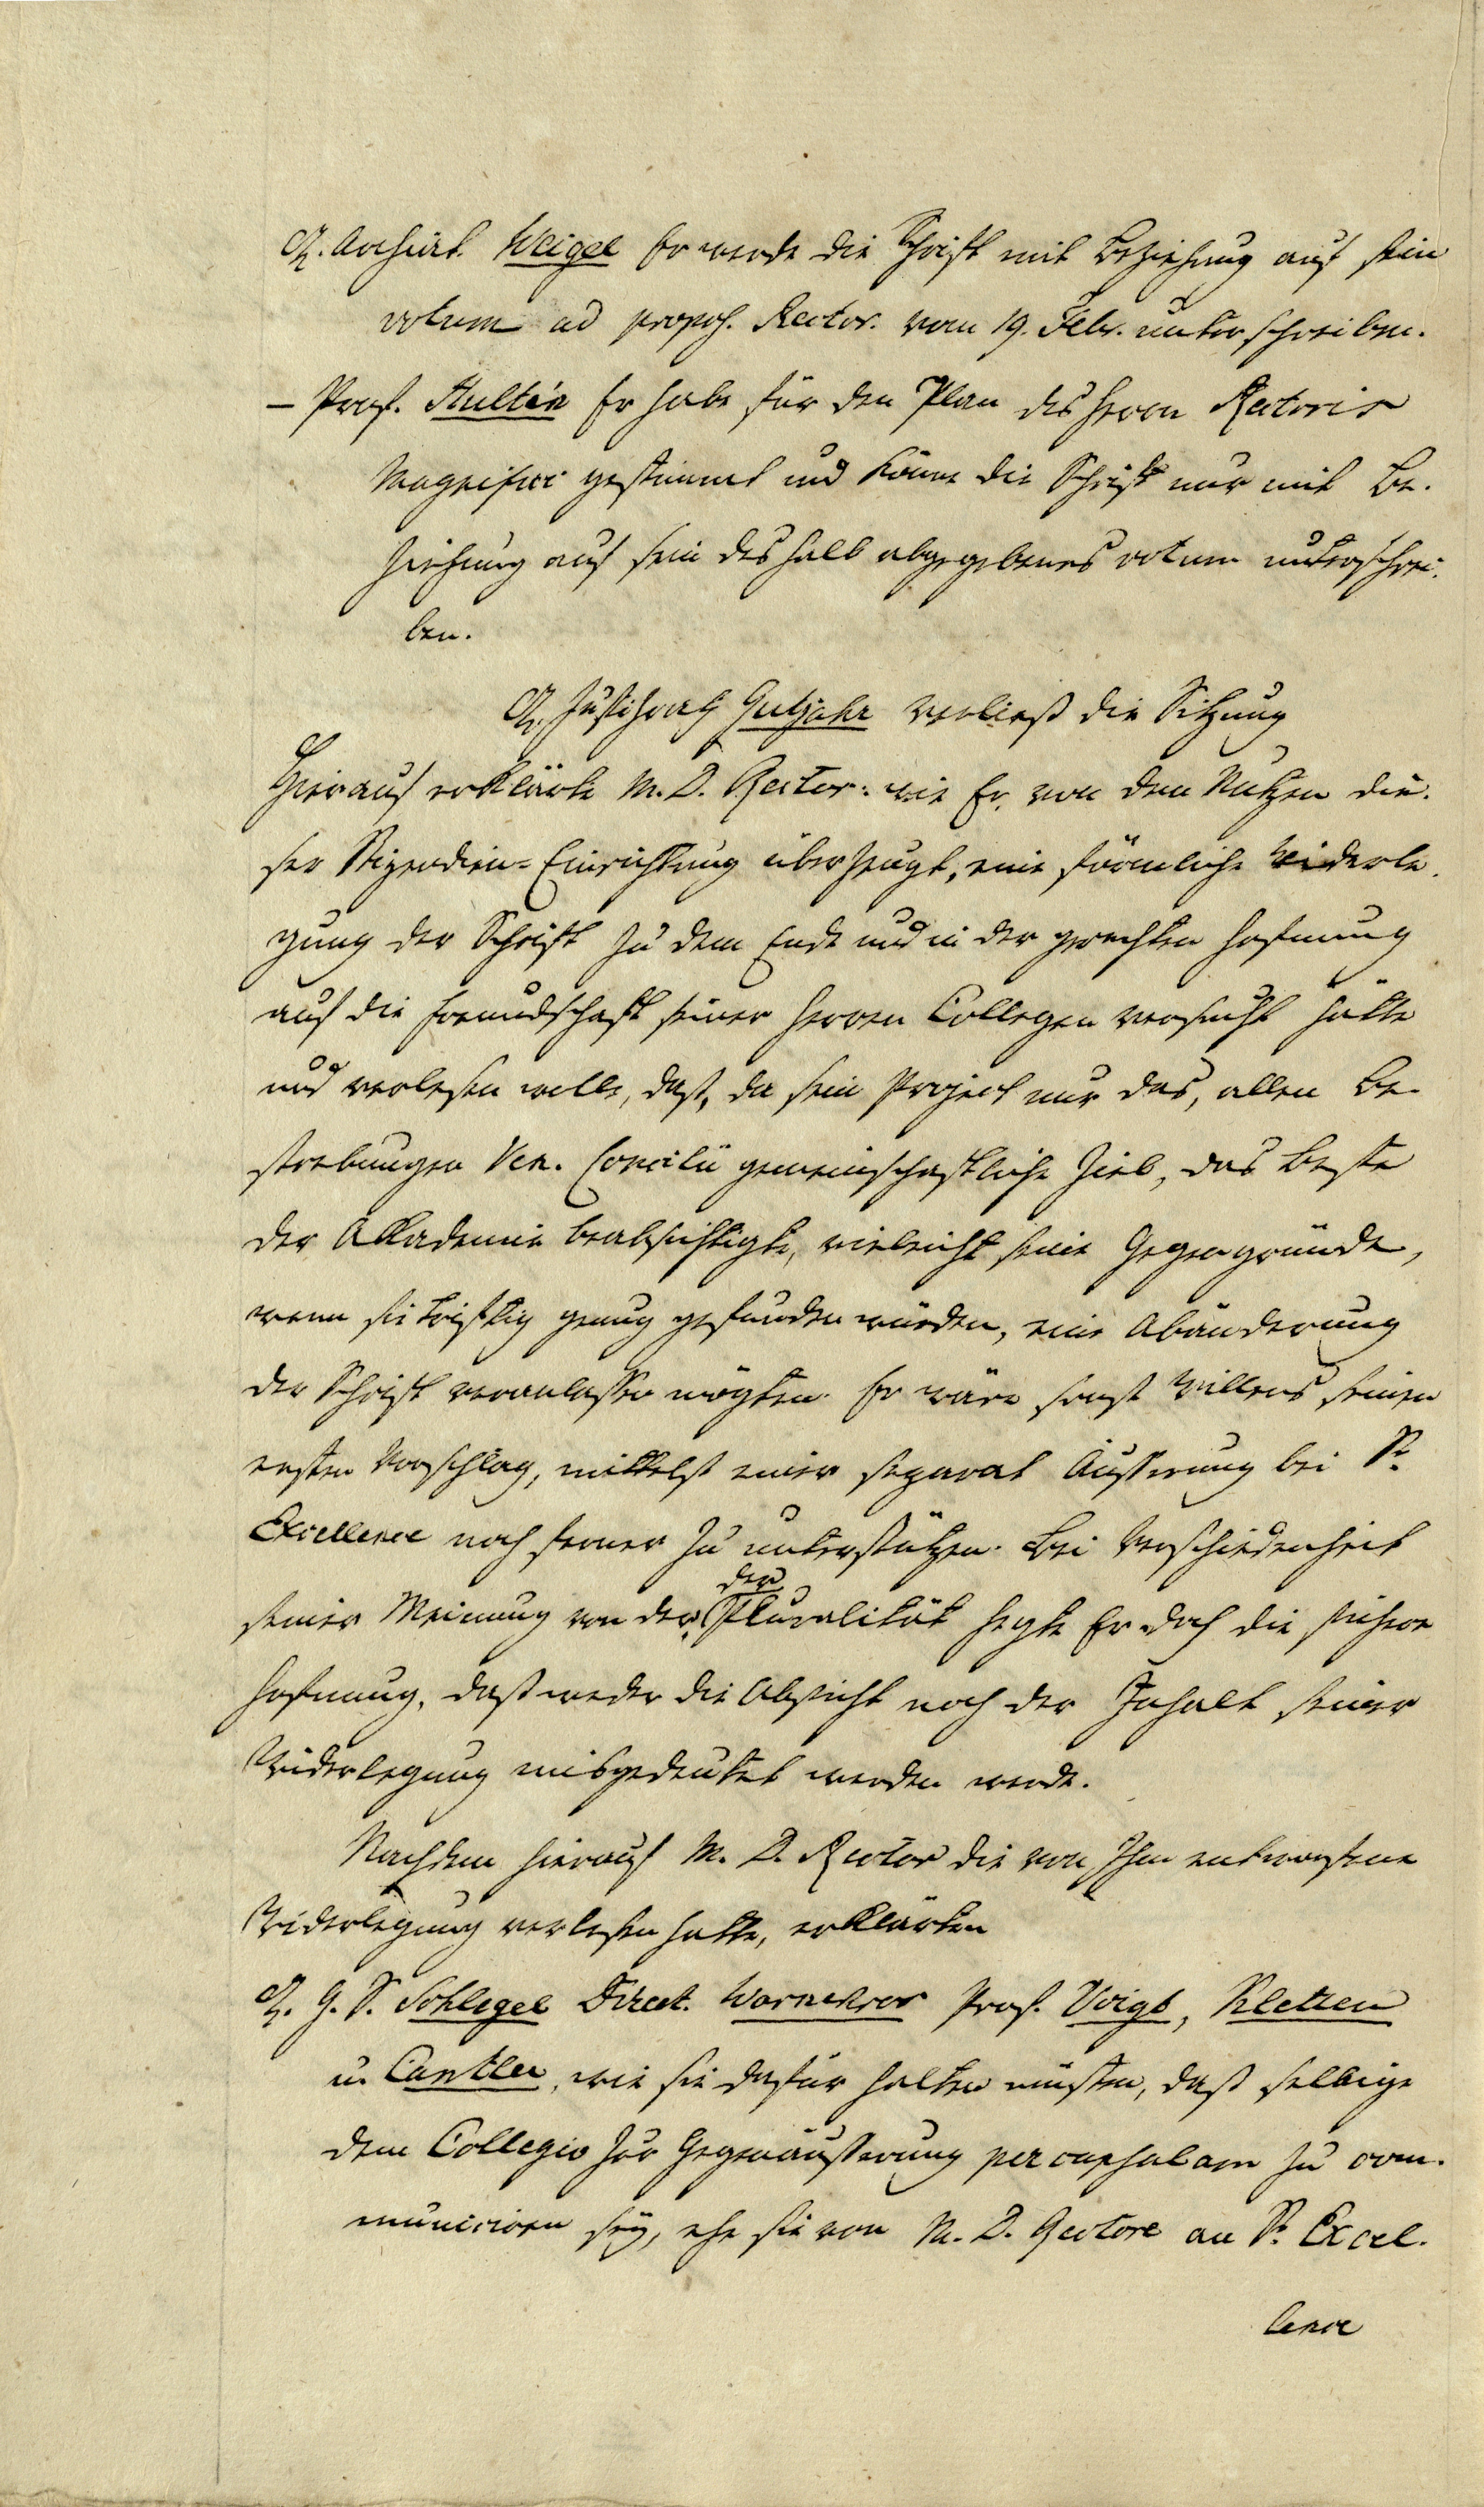dh. Archiat Weigel Er werde die Schrift mit Beziehung auf sein
votum ad propos. Rector. vom 19. Febr. unterschreiben.
Prof. Hultén Er habe für den Plan des Herrn Rectoris
Magnifici gestimmt und könne die Schrift nur mit Be¬
ziehung auf sein deshalb abgegebenes votum unterschrei¬
ben.
dh Justizrath Gutjahr verließ die Sitzung
Hierauf erklärte M. D. Rector: wie Er von dem Nutzen die¬
ser Stipendien Einrichtung überzeugt, eine förmliche Widerle¬
gung der Schrift zu dem Ende und in der gerechten Hofnung
auf die Freundschaft seiner Herren Collegen versucht hätte
und verlesen wolle, daß, da sein Project nur das, allen Be¬
strebungen Ven. Concilii gemeinschaftliche Ziel, das Beste
der Akademie beabsichtigte, vieleicht seine Gegengründe,
wenn sie triftig genug gefunden würden, eine Abänderung
der Schrift veranlassen mögten. Er wäre sonst Willens seinen
ersten Vorschlag, mittelst einer separat Äusserung bei Sr
Excellence noch ferner zu unterstützen. Bei Verschiedenheit
seiner Meinung von der Pluralität hegte Er doch die sichere
der
Hofnung, daß weder die Absicht noch der Inhalt seiner
Widerlegung misgedeutet werden werde.
Nachdem hierauf M. D. Rector die von Ihm entworfene
Widerlegung verlesen hatte, erklärten
dh. G. S. Schlegel Direct. Warnekros Prof. Voigt, Kletten
u. Canzler, wie sie dafür halten müsten, daß selbige
dem Collegio zur Gegenäusserung per capsulam zu com¬
municiren seÿ, ehe sie von M. D. Rectore an Sr. Excel¬
lence